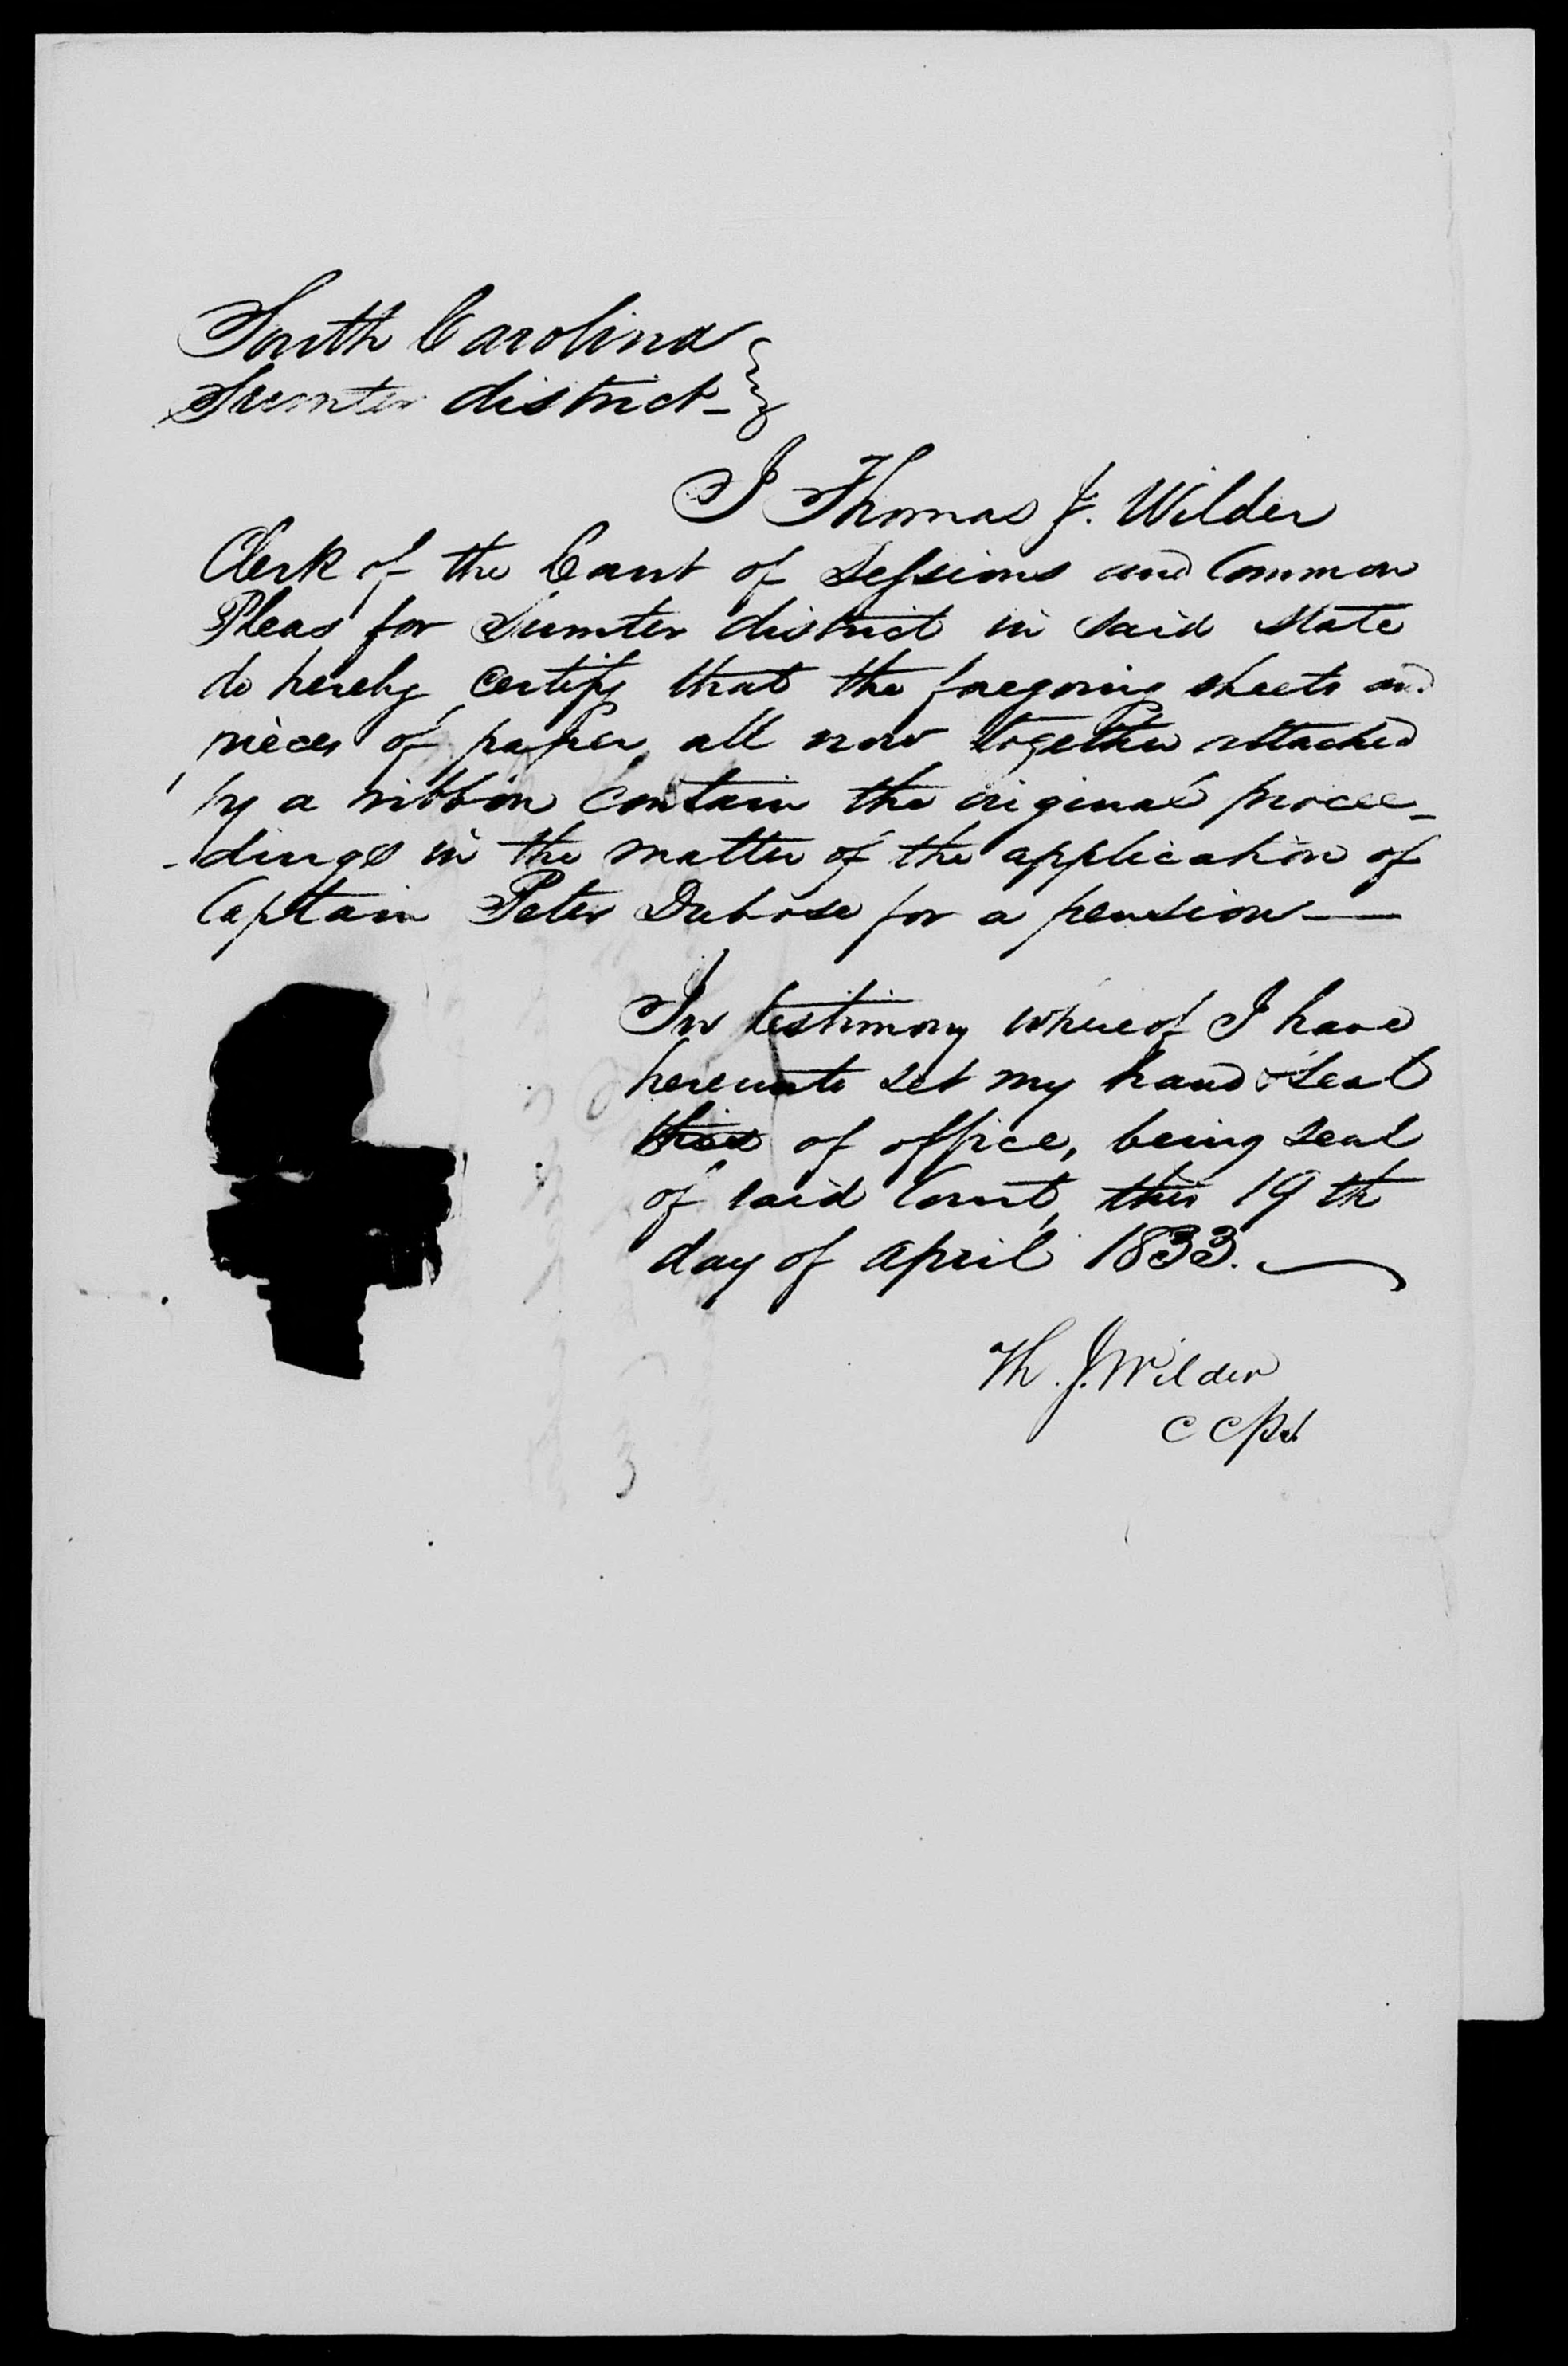[ South Carolina Sumter District ] I Thomas J. Wilder Clerk of the Court of Sessions  and Common leas for Sumter District in said State do hereby certify that the foregoing sheets  and pieces of paper , all now together  attached by a ribbon contain the original proceedings  in the matter of the application of Captain Peter Dubose  for a pension .  In testimony whereof I have hereunto set my hand & seal of said Court this 19th day of April 1833. TH. J. Wilder ( signed / sealed ) CCPs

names: Peter Dubose, Thomas J Wilder, Th J Wilder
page: 15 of 43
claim: survivor's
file: S. 21163, Peter Dubose, S.C.